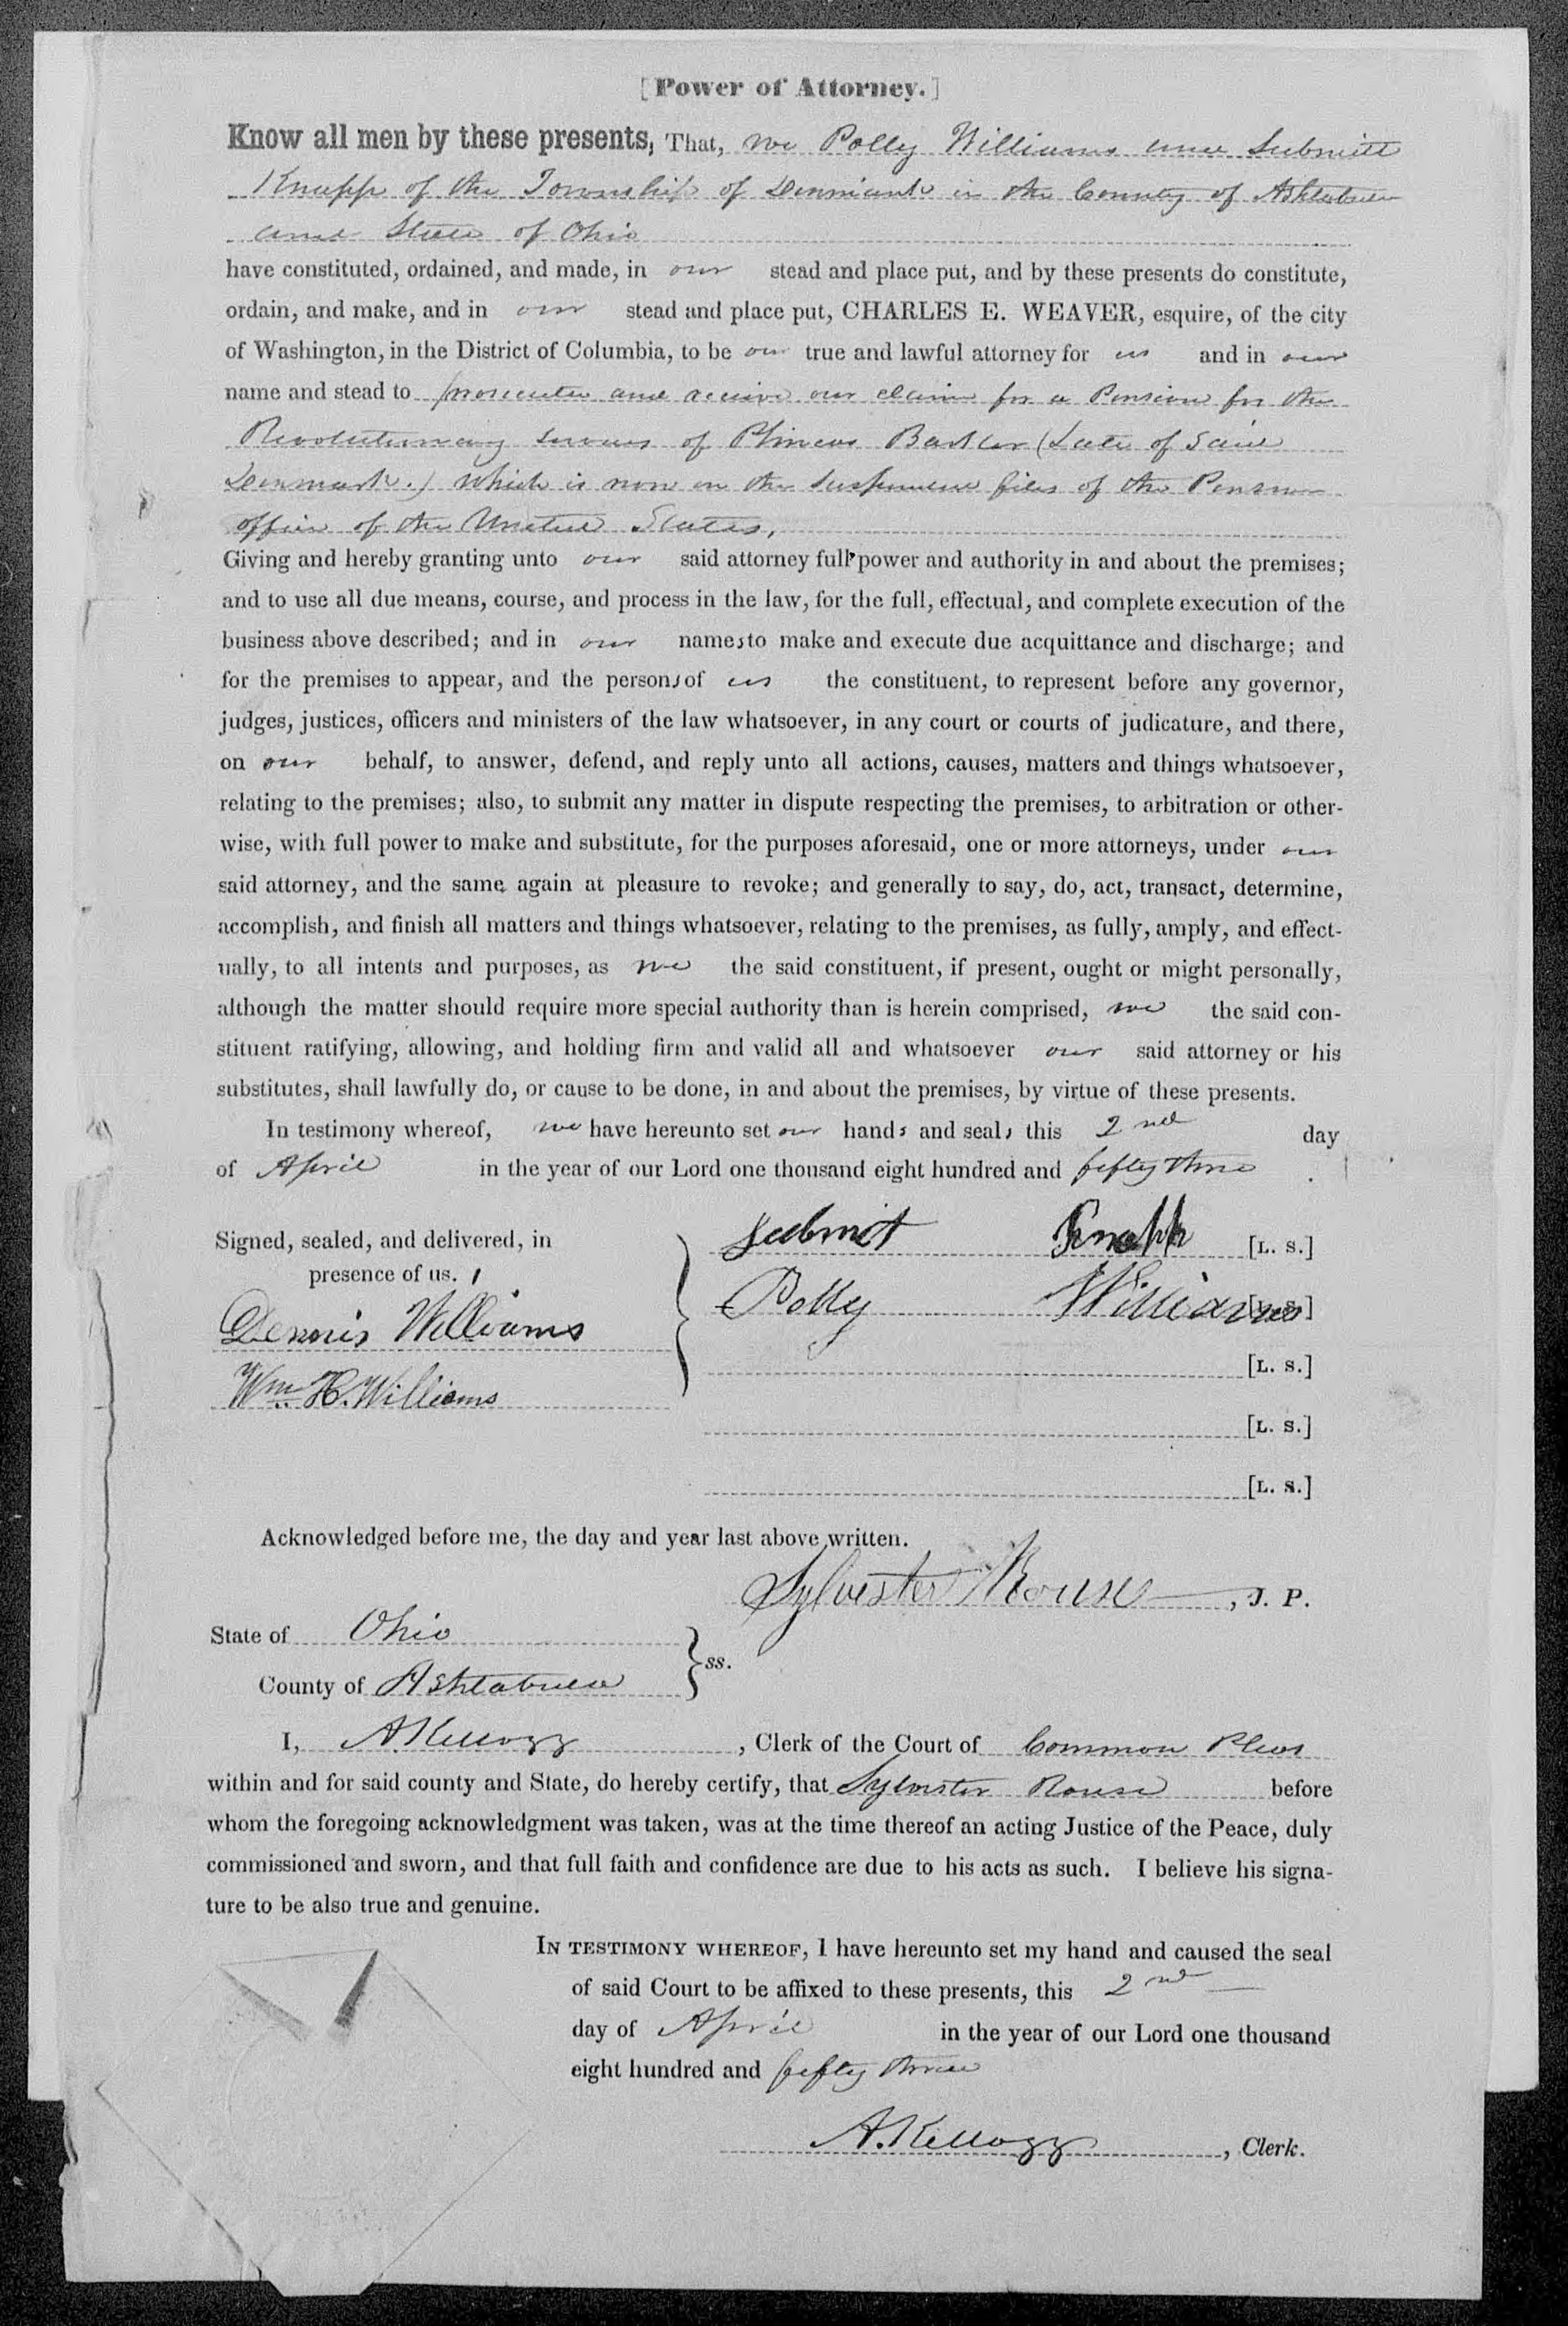[Power of Attorney] 
Know all men by these presents, That We Polly Williams and Submitt Knapp of the Township of Denmark in the County of Ashtabula and State of Ohio have constituted, ordained, and made, in our stead and place put, and by these presents do constitute, ordain, and make, and in our stead and place put, CHARLES E. WEAVER, esquire, of the city of Washington, in the District of Columbia, to be our true and lawful attorney for us and in our name and stead to prosecute and receive our claim for a pension for the Revolutionary service of Phineas Barker (late of said Denmark) which is now in the suspended files of the Pension office of the United States,
Giving and hereby granting unto our said attorney full power and authority in and about the premises; and to use all due means, course, and process in the law, for the full effectual, and complete execution of the business above described; and in our names to make and execute due acquittance and discharge; and for the premises to appear, and the person of us the constituent, to represent before any governor, judges, justices, officers and ministers of the law whatsoever, in any court or courts of judicature, and there, on our behalf, to answer, defend, and reply unto all actions, causes, matters and things whatsoever, relating to the premises; also, to submit any matter in dispute respecting the premises, to arbitration or otherwise, with full power to make and substitute, for the purposes aforesaid, one or more attorneys, under our said attorney, and the same again at pleasure to revoke; and generally to say, do, act, transact, determine, accomplish, and finish all matters and things whatsoever, relating to the premises, as fully, amply and effectually, to all intents and purposes, as we the said constituents if present, ought or might personally, although the matter should require more special authority than is herein comprised, we the said constituent ratifying, allowing, and holding firm and valid all and whatsoever our said attorney or his substitutes, shall lawfully do, or cause to be done, in and about the premises, by virtue of these presents. 
In testimony whereof, we have hereunto set our hands and seal, this 2nd day of April in the year of our Lord one thousand eight hundred and fifty three.
Submit Knapp [L.S.]
Polly Williams [L. S.] 
Signed, sealed, and delivered, in presence of us. 
Dennis Williams  
Wm. H Williams
Acknowledged before me, the day and year last above written. 
Sylvester Rouse J.P 
State of Ohio 
County of Ashtabula} ss  
I A. Kellogg Clerk of the Court of Common Pleas within and for said county and State, do hereby certify, that Sylvester Rouse before whom the foregoing acknowledgment was taken, was at the time thereof an acting Justice of the Peace, duly commissioned and sworn, and that full faith and confidence are due to his acts as such. I believe his signature to be also true and genuine. 
IN TESTIMONY WHEREOF, I have hereunto set my hand and caused the seal of said Court to be affixed to these presents, this 2nd day of April in the year of our Lord one thousand eight hundred and fifty three 
A. Kellogg Clerk.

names: A Kellogg, Dennis Williams, Submitt Knapp, Polly Williams, Charles E Weaver, Wm H Williams, Phineas Barker, Submit Knapp, Sylvester Rouse, Sylvester Rouse, Polly Williams, A Kellogg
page: 16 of 35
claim: rejected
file: R. 501, Phineas Barker, Conn. Privateer